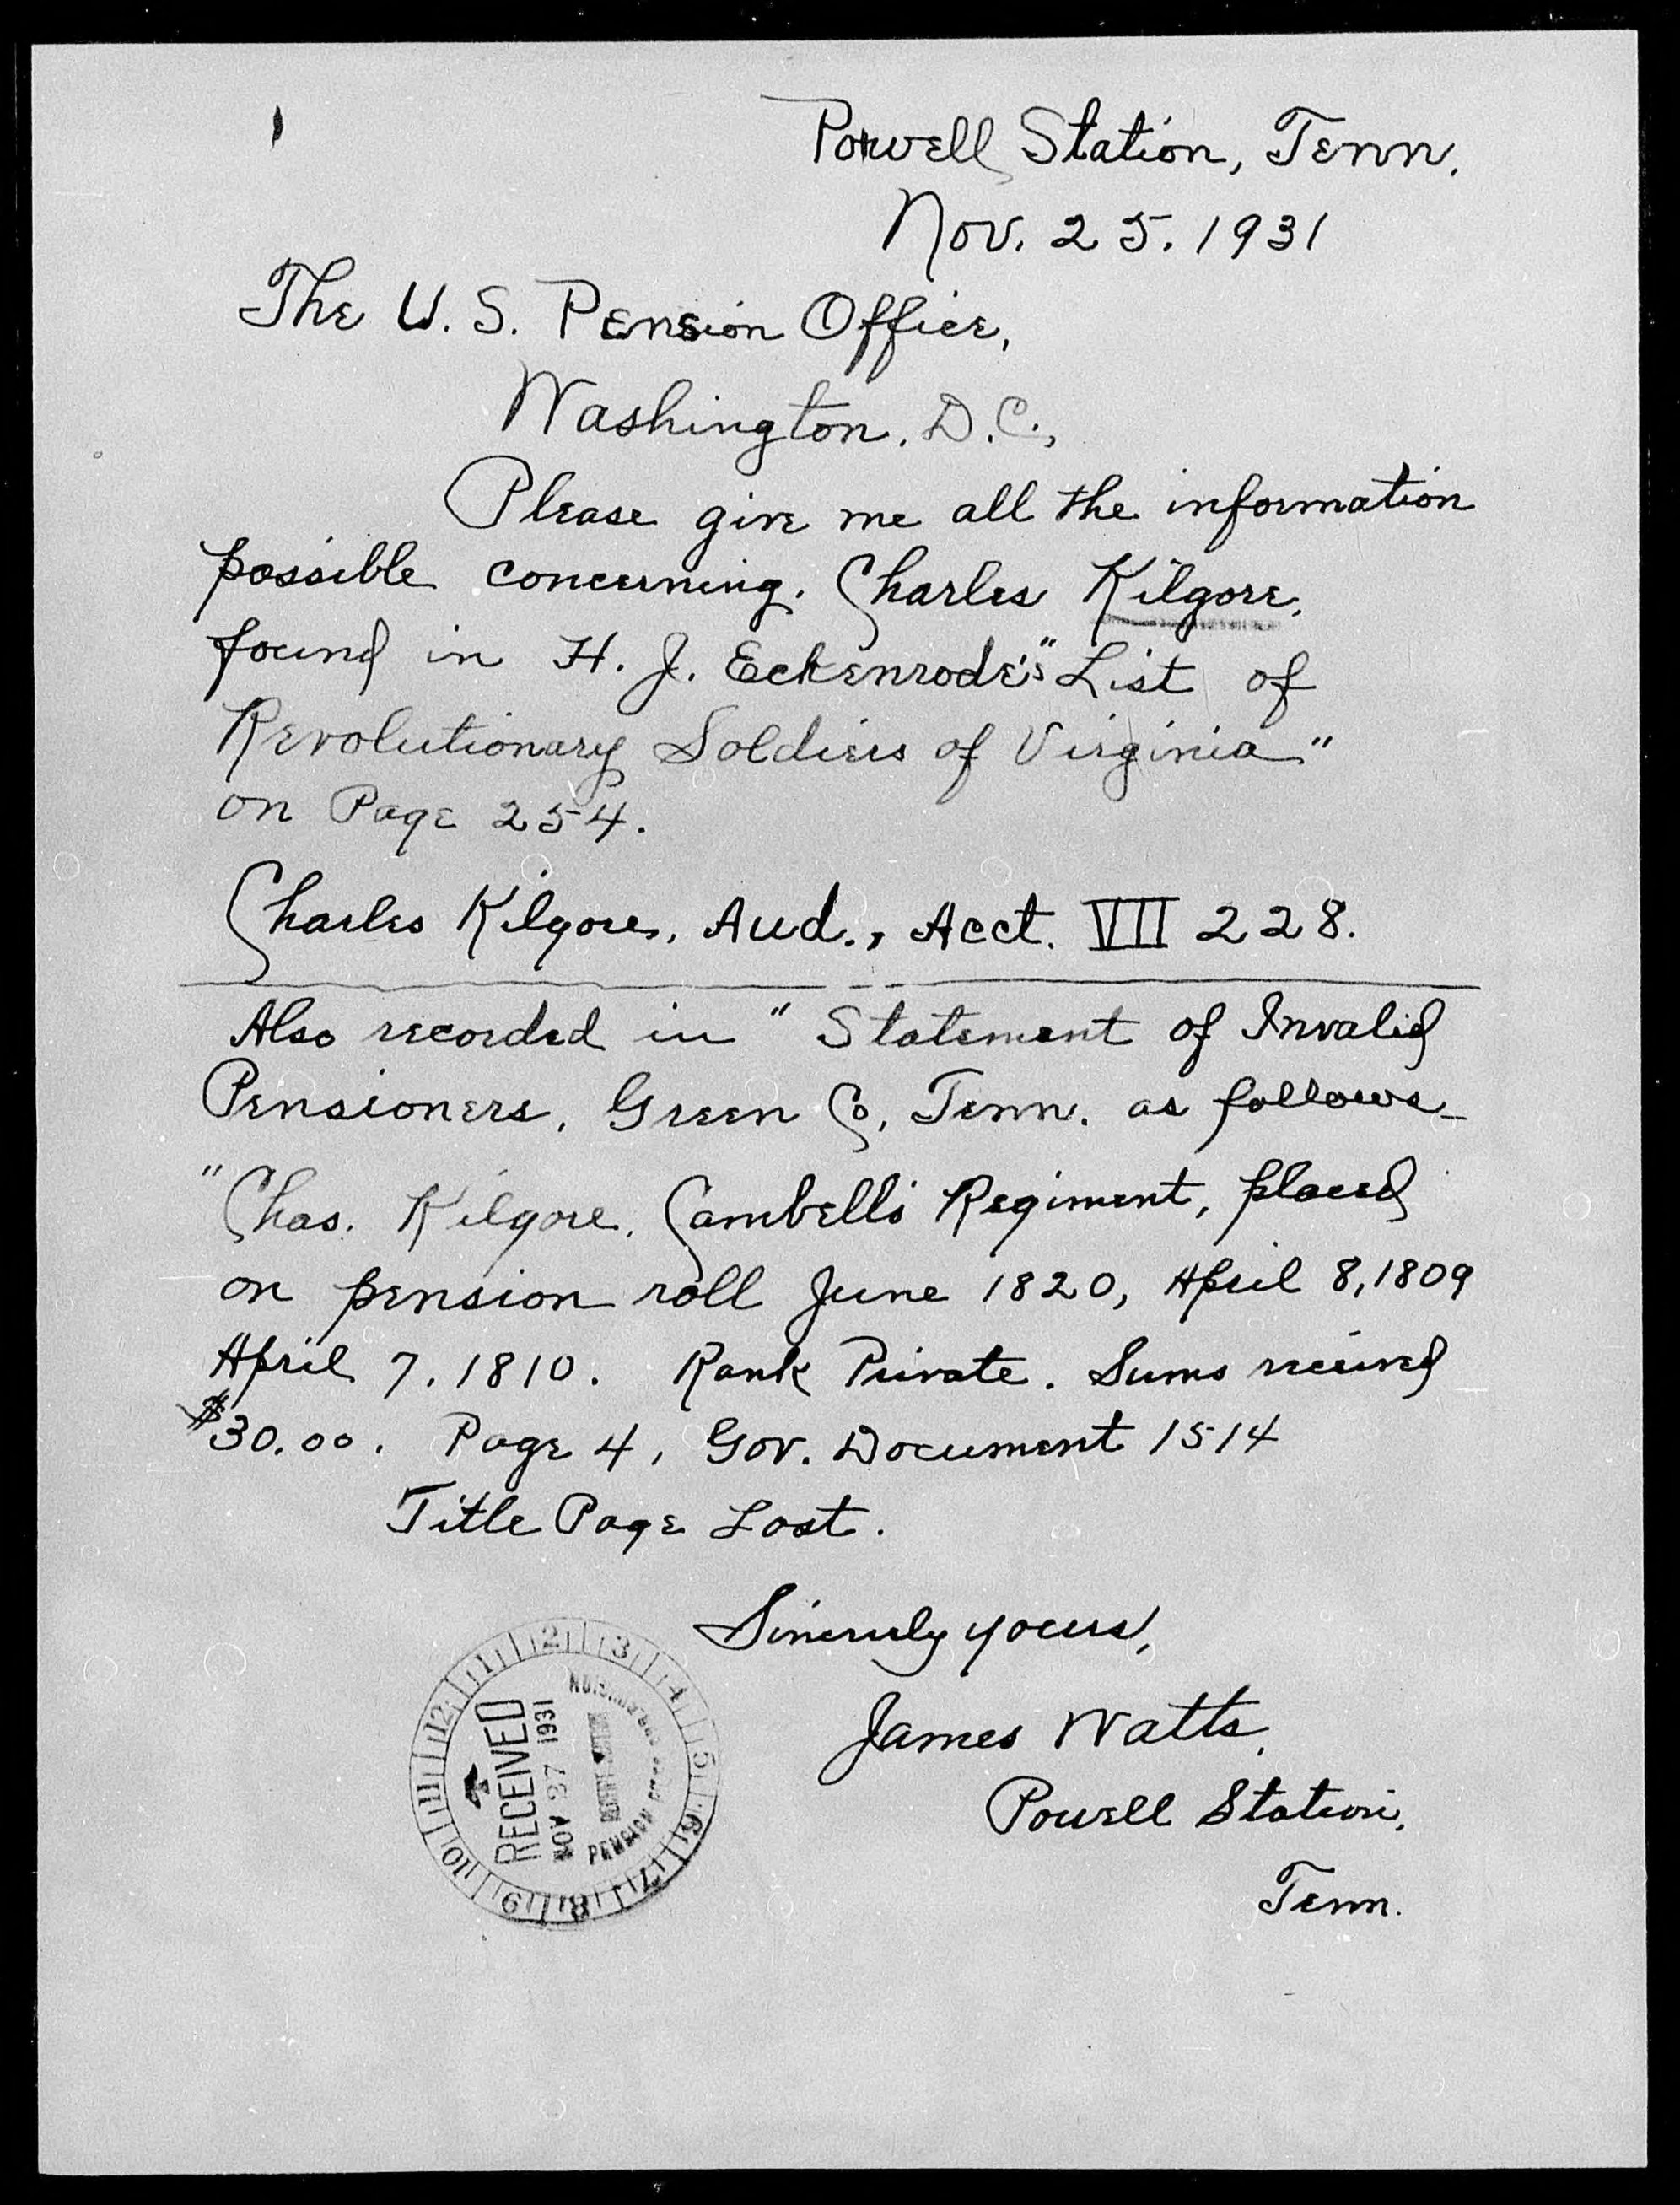Powell Station, Tenn
Nov. 25, 1931

The W.S. Pension Office,
Washington, D.C.

Please give me all the information possible concerning, Charles Kilgore, found in H.J. Eckenrode's" List of Revolutionary Soldiers of Virginia" on Page 254.
Charles Kilgores, Aud., Acct. VII 228

Also recorded in " Statement of Invalid Pensioners, Green Co. Tenn. as follows, "Chas. Kilgore Cambell's Regiment, placed on pension roll June 1820, April 8, 1809 April 7. 1810. Rank Private. Sums received $30.00, Page 4, Gov. Document 1514
Title Page Lost.

Sincerely yours,
James Watts,
Powell Station
Tenn.

[stamped: RECEIVED NOV 27 1931 PENSION OFFICE WAR DEVISION]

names: James Watts; Charles Kilgore; H J Eckenrode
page: 81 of 115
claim: survivor's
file: S. 699, for Charles Kilgore, Virginia